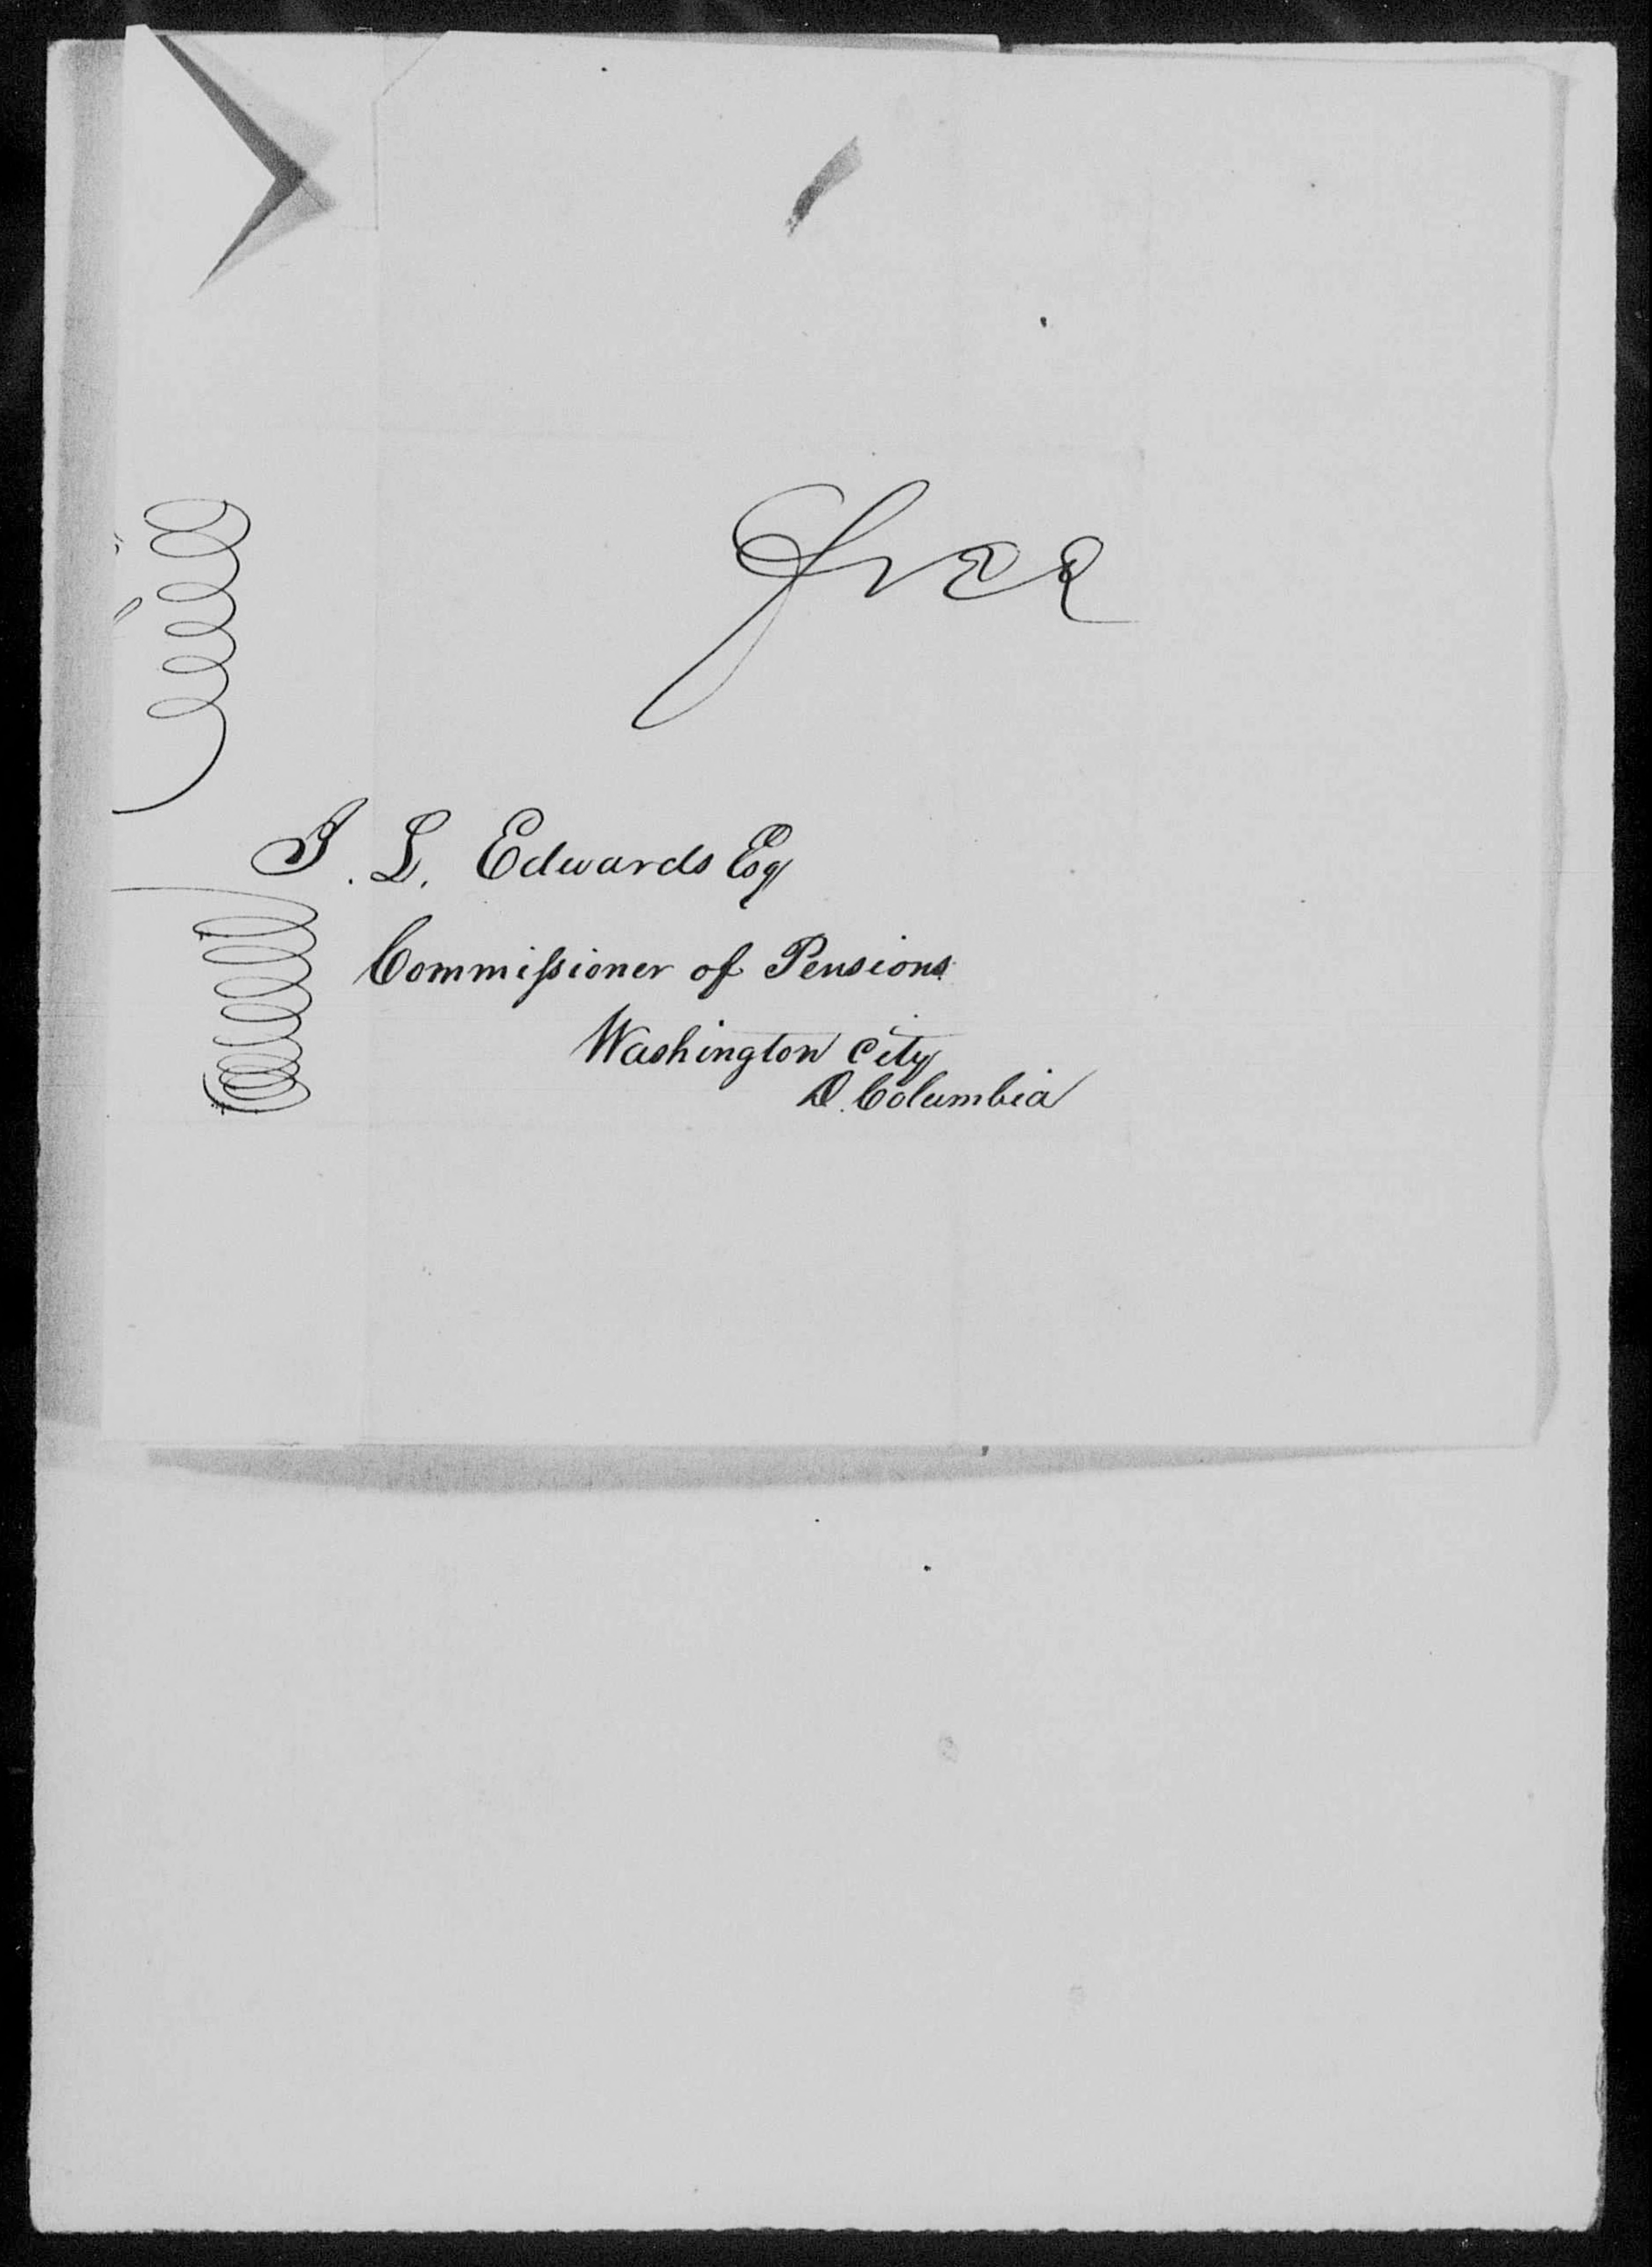}                         free
}
}
J.  L. Edwards Esq
{Commissioner of Pensions
{Washington City
{D. Columbia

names: J L Edwards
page: 22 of 40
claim: rejected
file: R. 4,869, John Henderson, S.C.